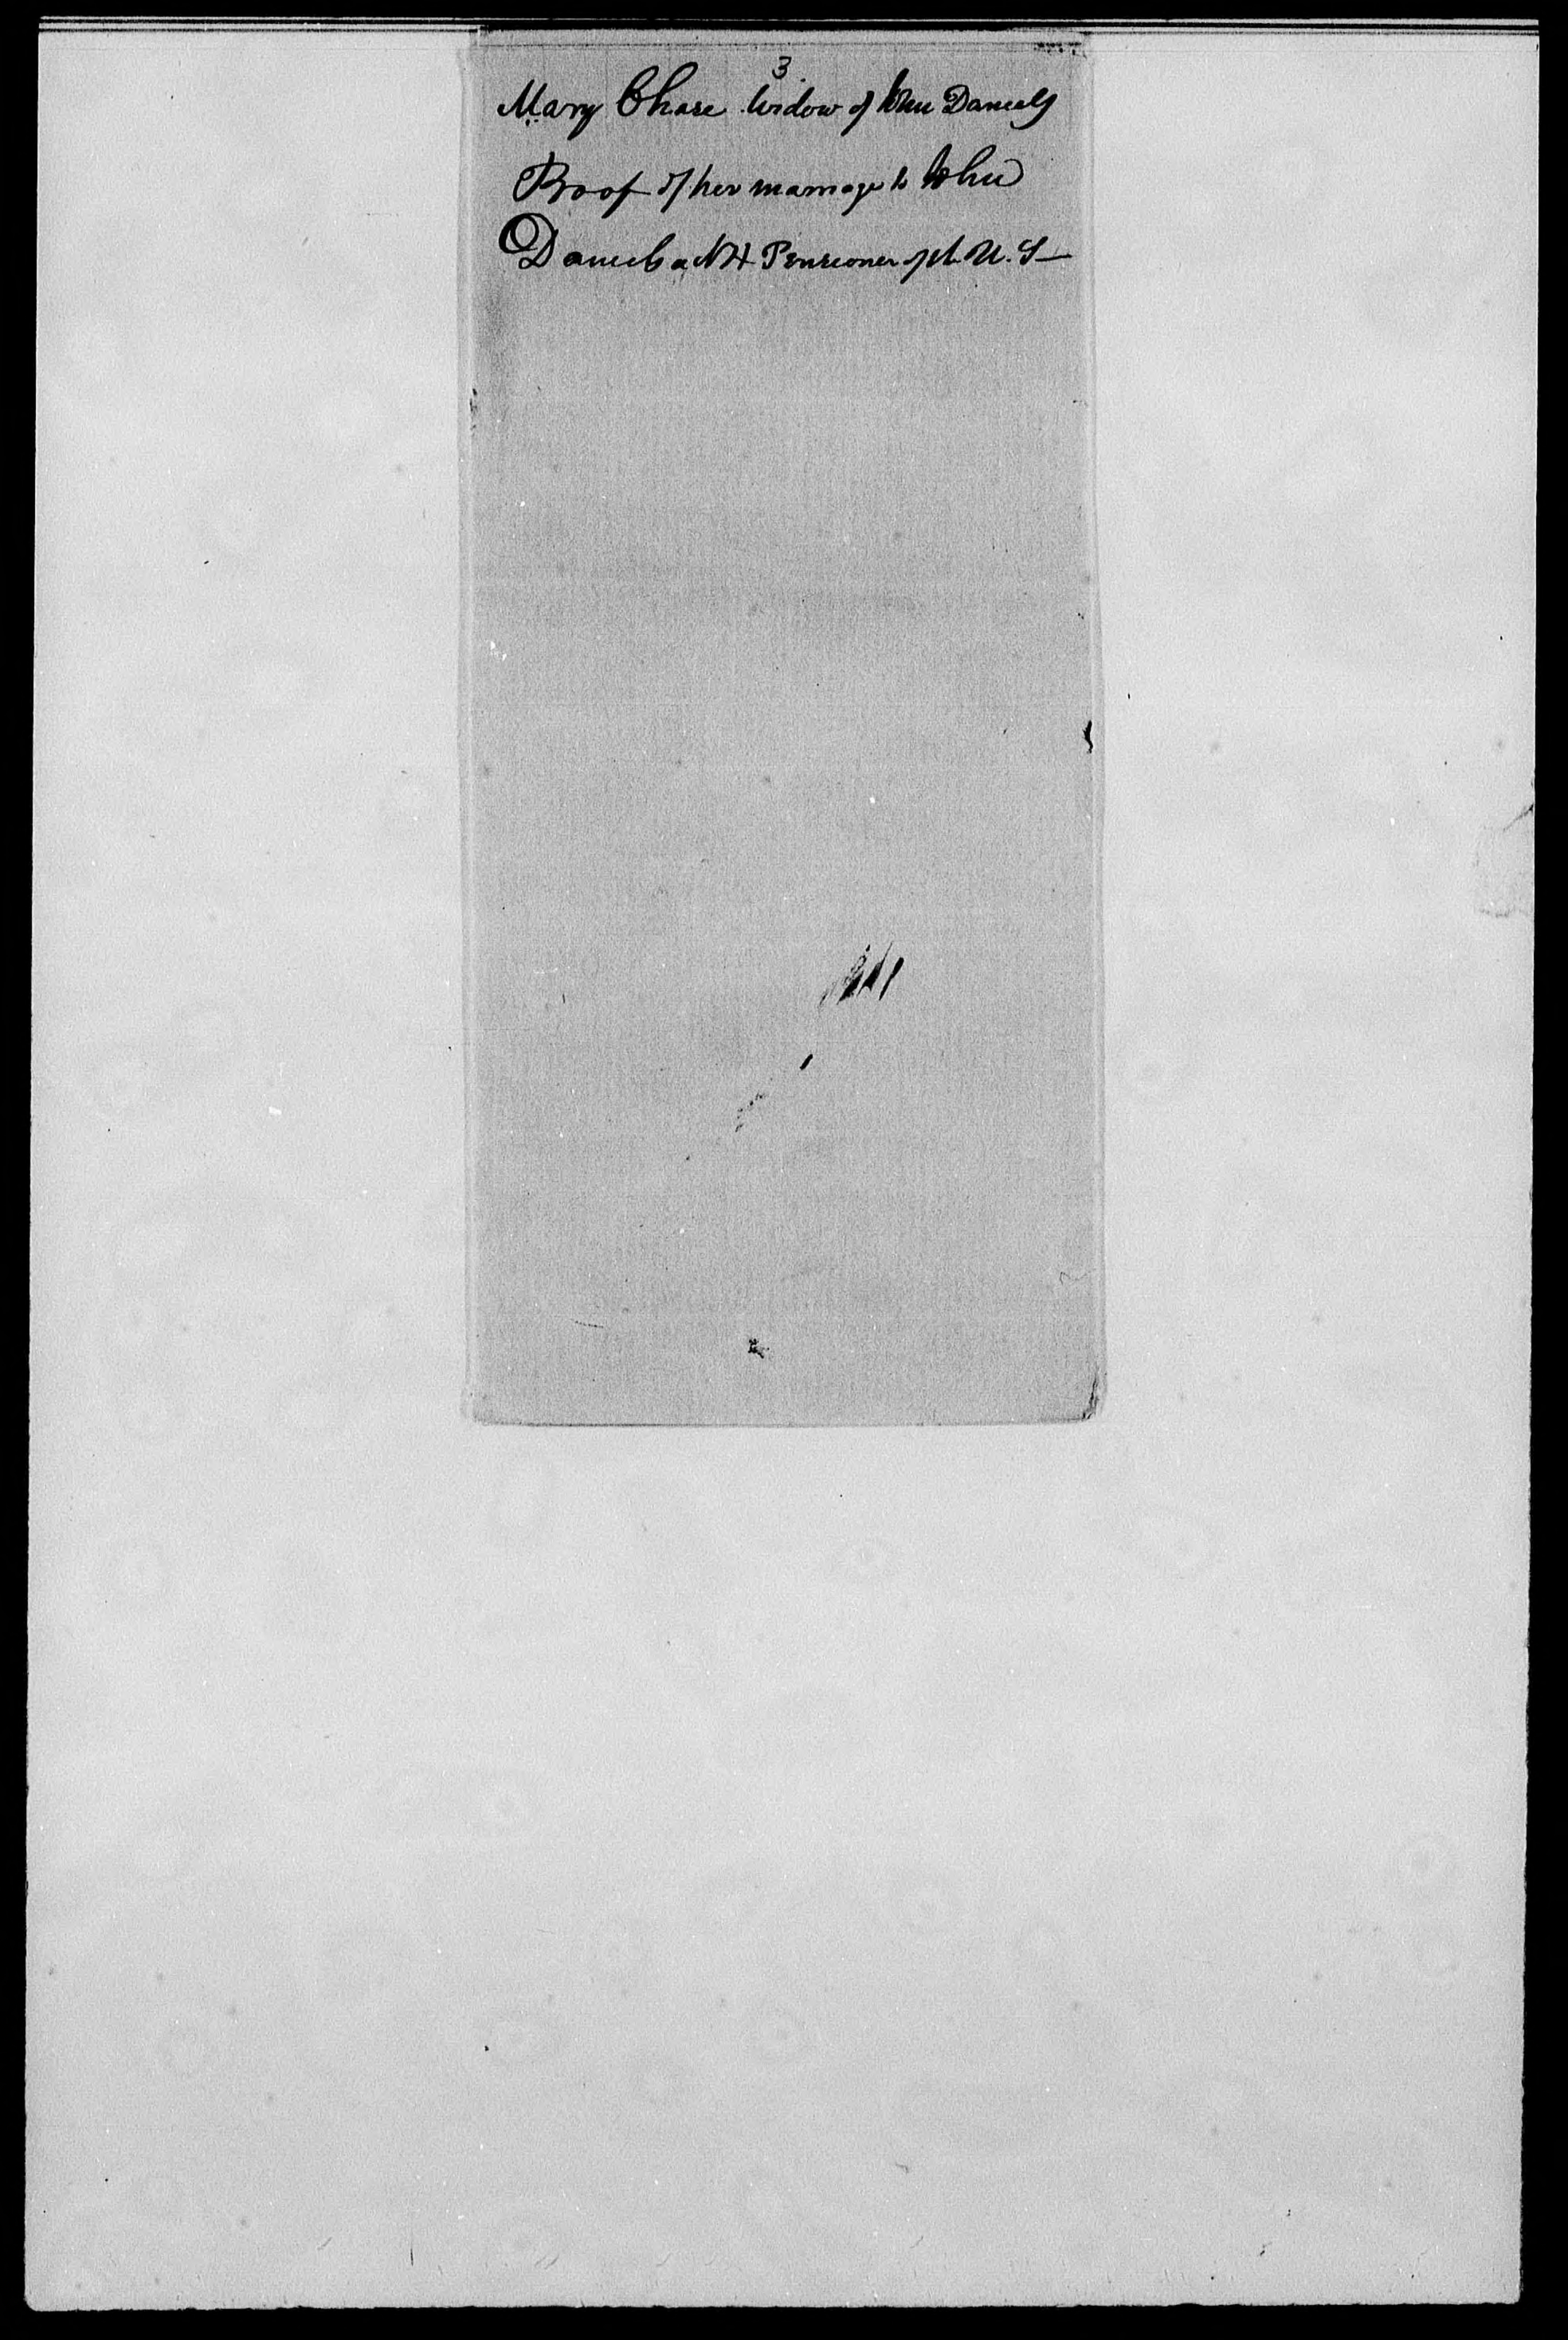Mary Chase, widow of John Daniels
Proof of her marriage to John
Daniels & N.H. pensioner of the U. S.--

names: John Daniels, Mary Chase, John Daniels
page: 10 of 43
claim: widow's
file: W 683, John Daniels, Continental Mass. N.H.